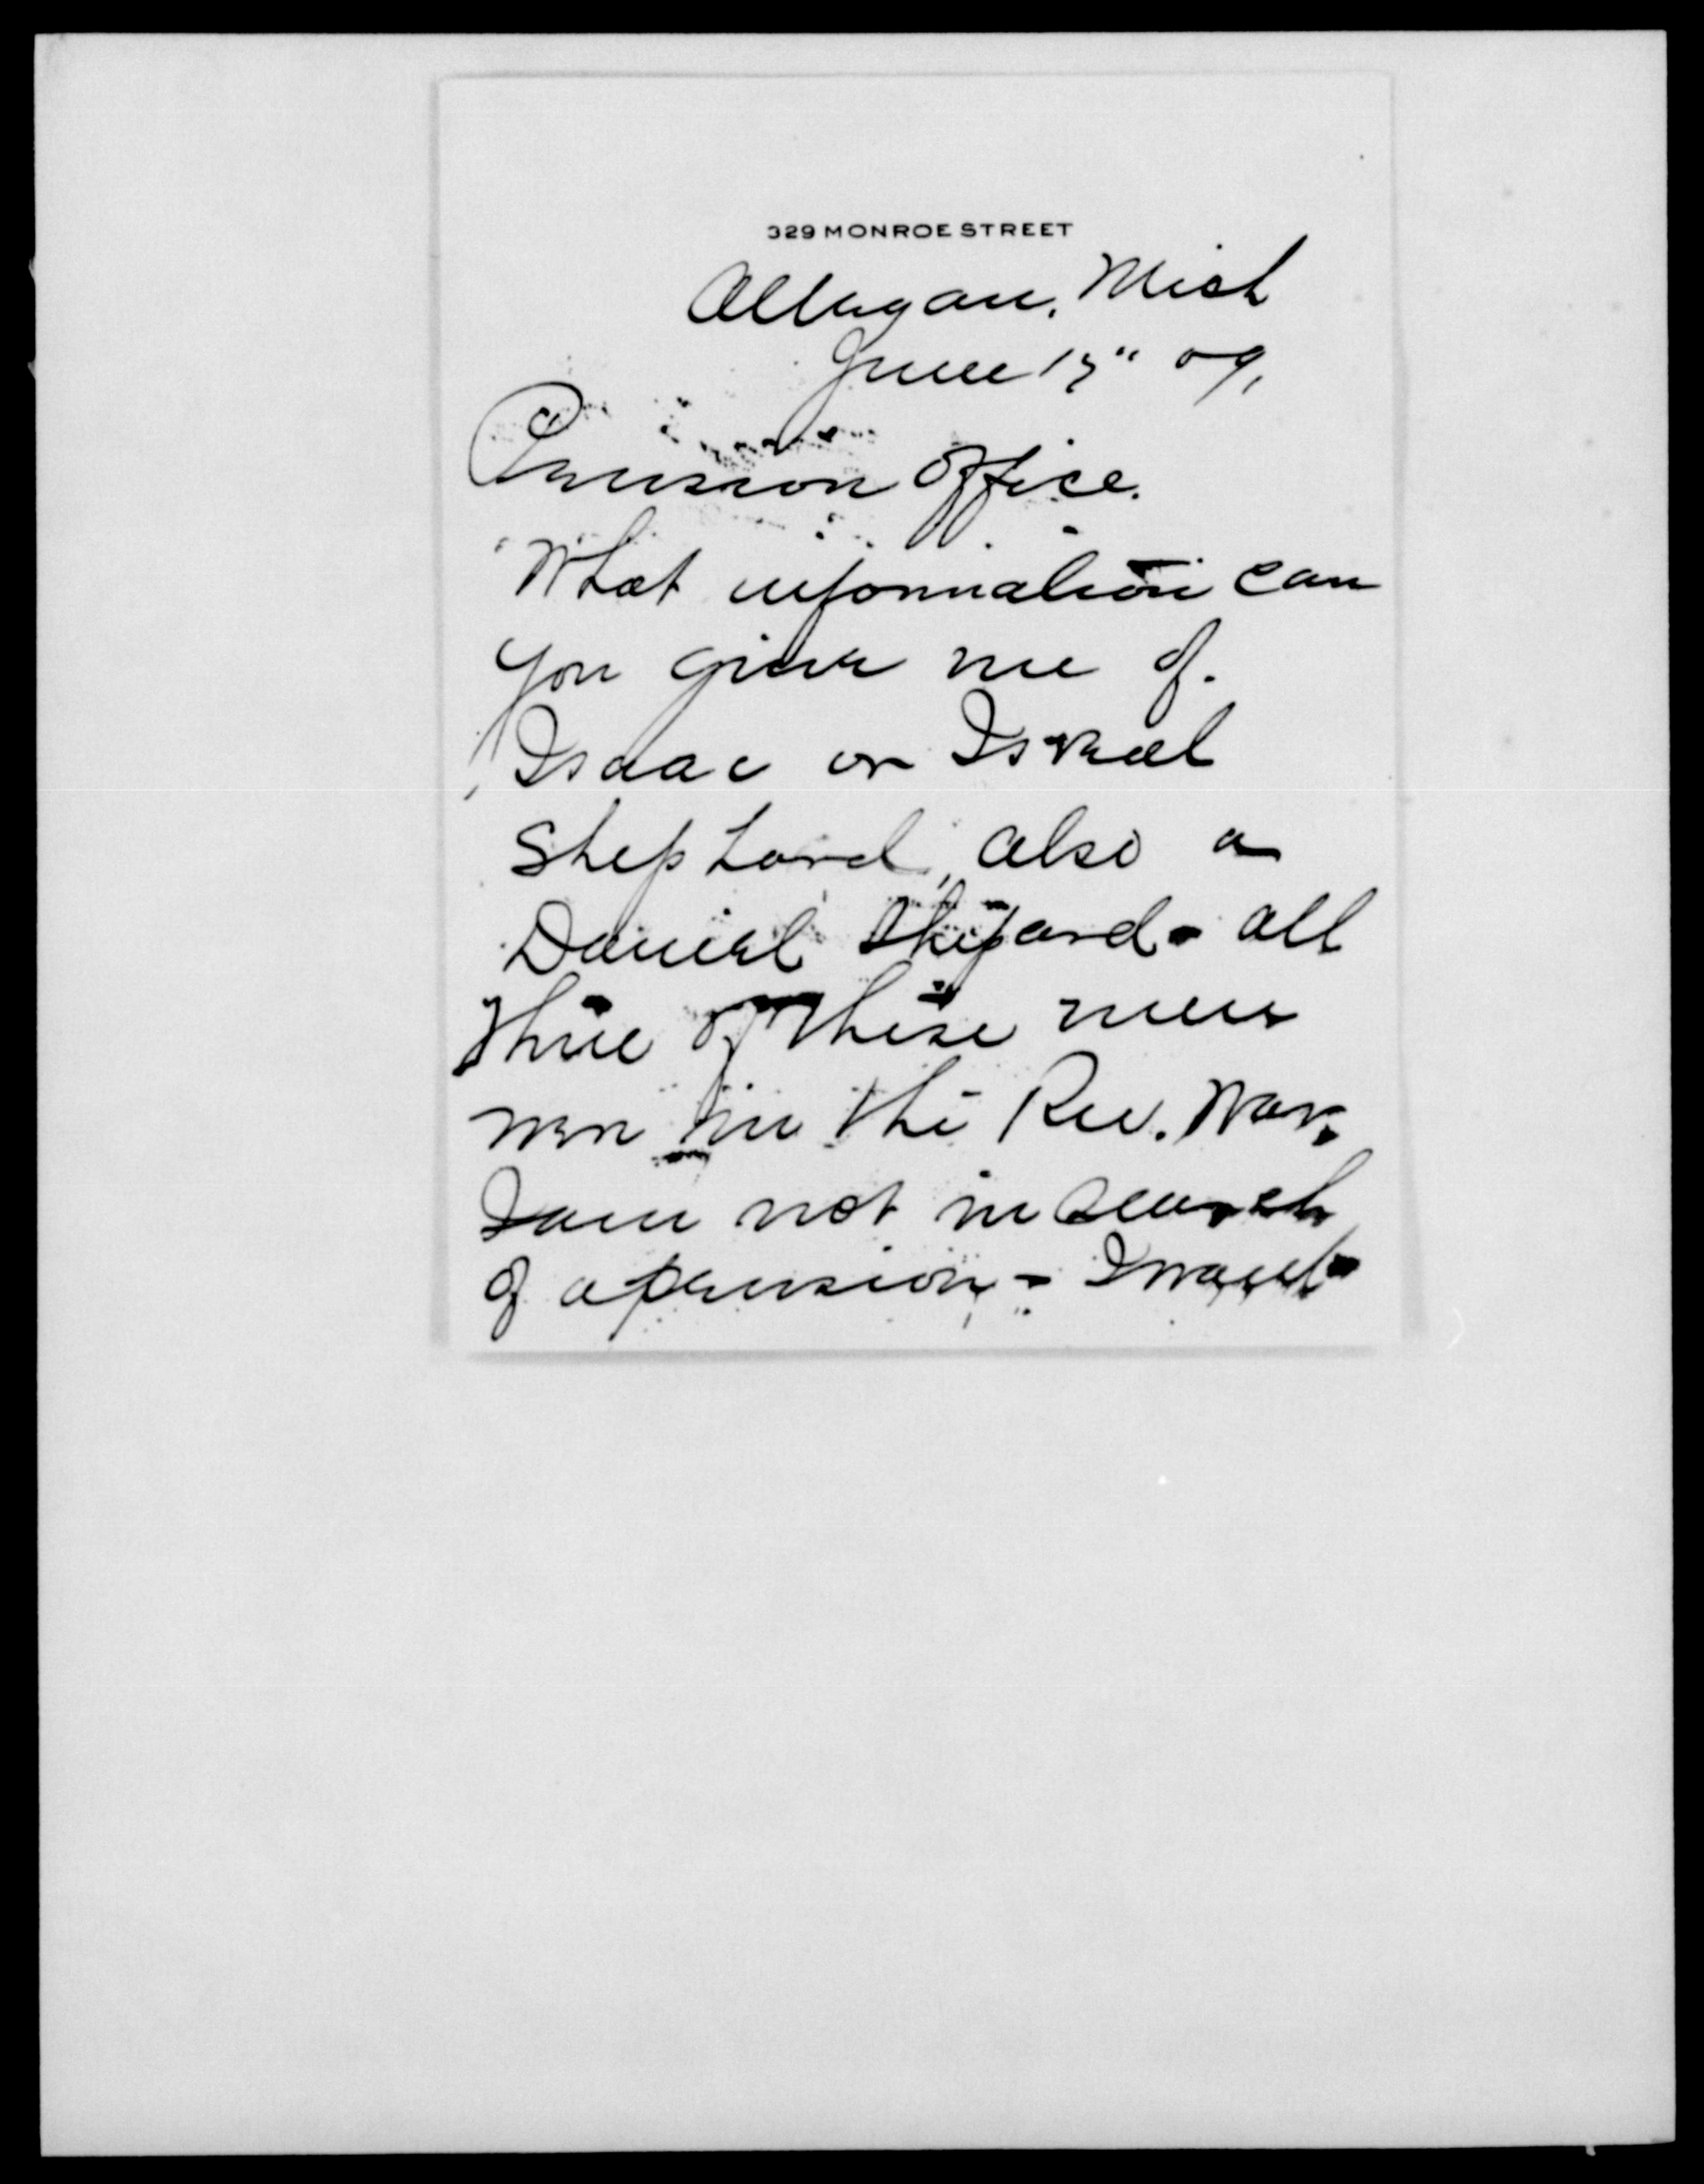329MONROE STREET
Allegan, Mich
June 17" 09

Pension Office
what information can
you give me on
Isaac in Israel
Shephard also a
Daniel Shepard all
there of these men
men in the Rev. War
am not in search
of a pension. I want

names: Isreal Shephard; Daniel Shepard; Isaac Shephard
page: 16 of 25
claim: survivor's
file: S. 43137, for Daniel Shepard, New Hampshire